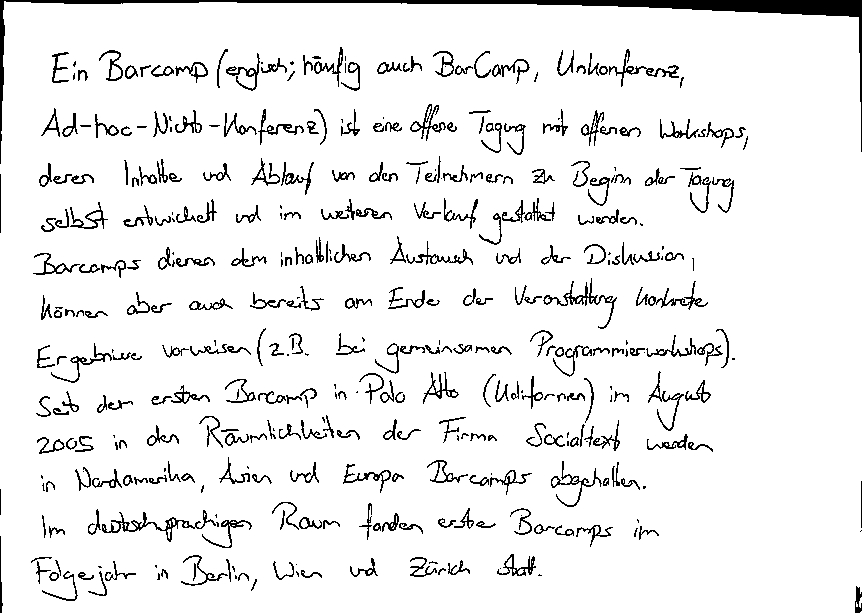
Ein Barcamp (englisch; häufig auch BarCamp, Unkonferenz,
Ad-hoc-Nicht-Konferenz) ist eine offene Tagung mit offenen Workshops,
deren Inhalte und Ablauf von den Teilnehmern zu Beginn der Tagung
selbst entwickelt und im weiteren Verlauf gestaltet werden.
Barcamps dienen dem inhaltlichen Austausch und der Diskussion,
können aber auch bereits am Ende der Veranstaltung konkrete
Ergebnisse vorweisen (z. B. bei gemeinsamen Programmierworkshops).
Seit dem ersten Barcamp in Palo Alto (Kalifornien) im August
2005 in den Räumlichkeiten der Firma Socialtext werden
in Nordamerika, Asien und Europa Barcamps abgehalten.
Im deutschsprachigen Raum fanden erste Barcamps im
Folgejahr in Berlin, Wien und Zürich statt.
